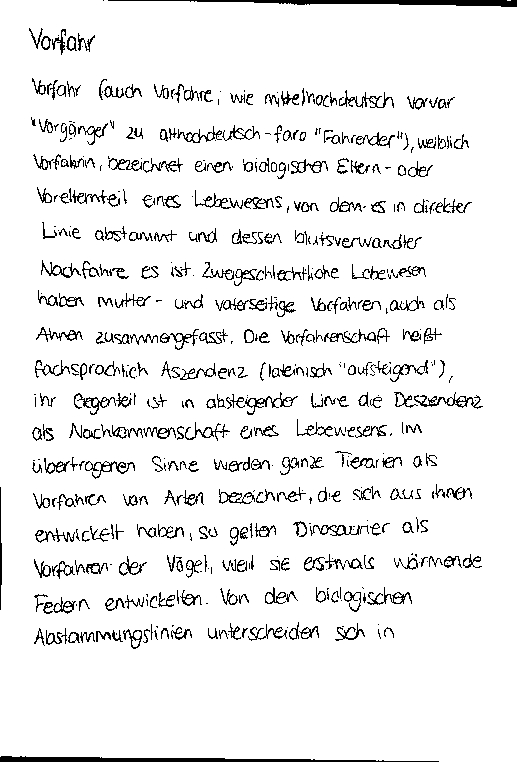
Vorfahr
Vorfahr (auch Vorfahre; wie mittelhochdeutsch vorvar
"Vorgänger" zu althochdeutsch -faro "Fahrender"), weiblich
Vorfahrin, bezeichnet einen biologischen Eltern- oder
Vorelternteil eines Lebewesens, von dem es in direkter
Linie abstammt und dessen blutsverwandter
Nachfahre es ist. Zweigeschlechtliche Lebewesen
haben mutter- und vaterseitige Vorfahren, auch als
Ahnen zusammengefasst. Die Vorfahrenschaft heißt
achsprachlich Aszendenz (lateinisch "aufsteigend"),
ihr Gegenteil ist in absteigender Linie die Deszendenz
als Nachkommenschaft eines Lebewesens. Im
übertragenen Sinne werden ganze Tierarten als
Vorfahren von Arten bezeichnet, die sich aus ihnen
entwickelt haben, so gelten Dinosaurier als
Vorfahren der Vögel, weil sie erstmals wärmende
Federn entwickelten. Von den biologischen
Abstammungslinien unterscheiden sich in
